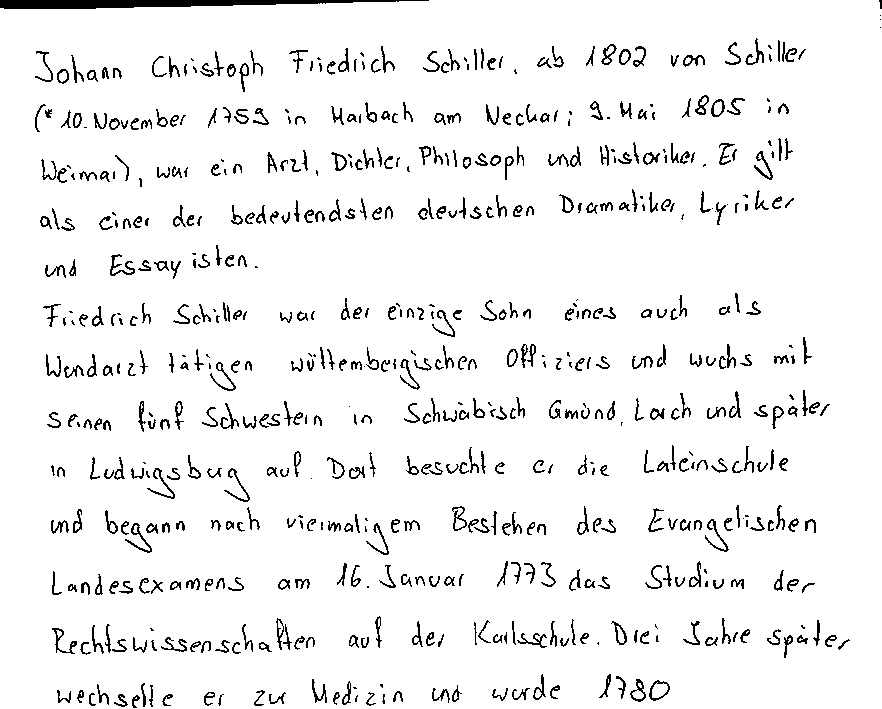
Johann Christoph Friedrich Schiller, ab 1802 von Schiller
(* 10. November 1759 in Marbach am Neckar; 9. Mai 1805 in
Weimar), war ein Arzt, Dichter, Philosoph und Historiker. Er gilt
als einer der bedeutendsten deutschen Dramatiker, Lyriker
und Essayisten.
Friedrich Schiller war der einzige Sohn eines auch als
Wundarzt tätigen württembergischen Offiziers und wuchs mit
seinen fünf Schwestern in Schwäbisch Gmünd, Lorch und später
in Ludwigsburg auf. Dort besuchte er die Lateinschule
und begann nach viermaligem Bestehen des Evangelischen
Landesexamens am 16. Januar 1773 das Studium der
Rechtswissenschaften auf der Karlsschule. Drei Jahre später
wechselte er zur Medizin und wurde 1780
